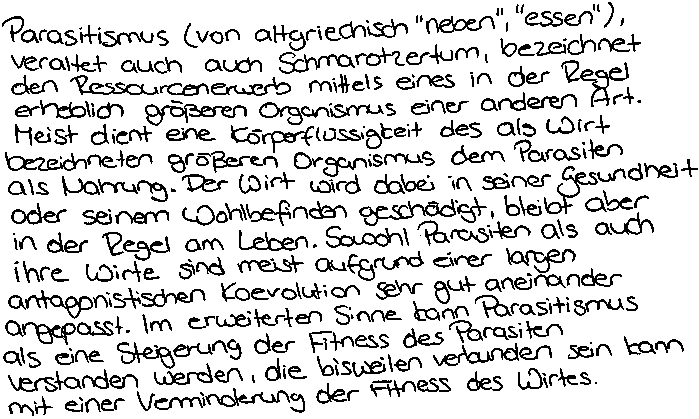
Parasitismus (von altgriechisch "neben", "essen"),
Veraltet auch auch Schmarotzertum, bezeichnet
den Ressourcenerwerb mittels eines in der Regel
erheblich größeren Organismus einer anderen Art.
Meist dient eine Körperflüssigkeit des als Wirt
bezeichneten Größeren Organismus dem Parasiten
als Nahrung. Der Wirt wird dabei in seiner Gesundheit
oder seinem Wohlbefinden geschädigt, bleibt aber
in der Regel am Leben. Sowohl Parasiten als auch
ihre Wirte sind meist aufgrund einer langen
antagonistischen Koevolution sehr gut aneinander
angepasst. Im erweiterten Sinne kann Parasitismus
als eine Steigerung der Fitness des Parasiten
verstanden werden, die bisweilen verbunden sein kann
mit einer Verminderung der Fitness des Wirtes.
